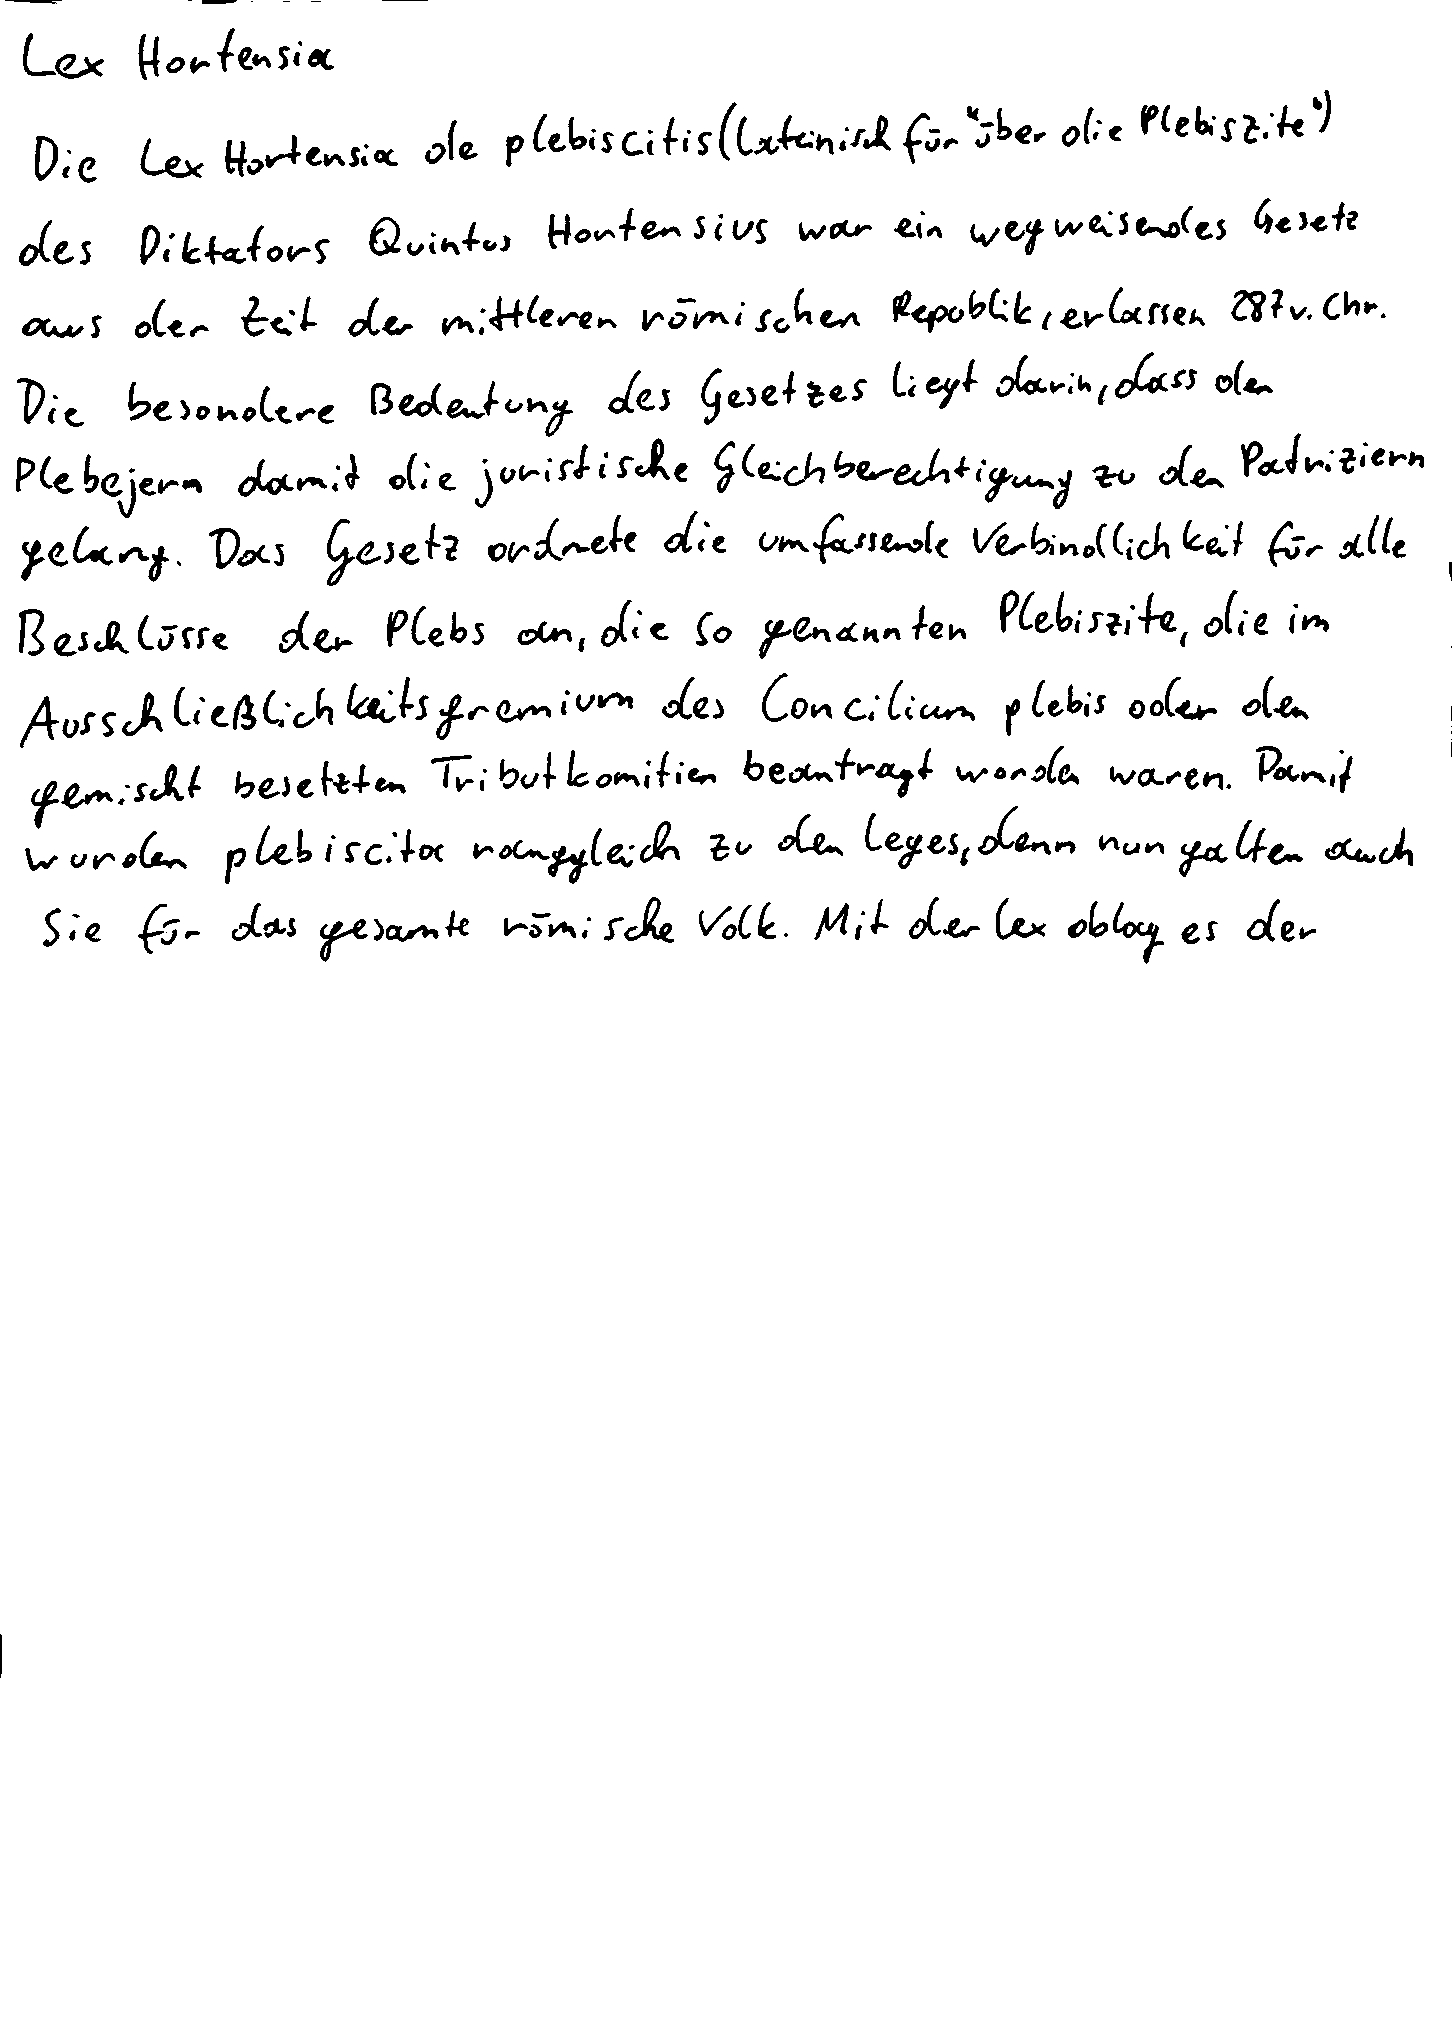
Lex Hortensia
Die Lex Hortensia de plebiscitis (lateinisch für " über die Plebiszite")
des Diktators Quintus Hortensius war ein wegweisendes Gesetz
aus der Zeit der mittleren römischen Republik, erlassen 287 v. Chr.
Die besondere Bedeutung des Gesetzes liegt darin, dass den
Plebejern damit die juristische Gleichberechtigung zu den Patriziern
gelang. Das Gesetz ordnete die umfassende Verbindlichkeit für alle
den den Plebs an, die so genannten Plebiszite, die im
Ausschließlichkeitsgremium des Concilium plebis oder den
gemischt besetzten Tributkomitien beantragt worden waren. Damit
wurden plebiscita ranggleich zu den leges, denn nun galten auch
sie für das gesamte römische Volk. Mit der lex oblag es der
